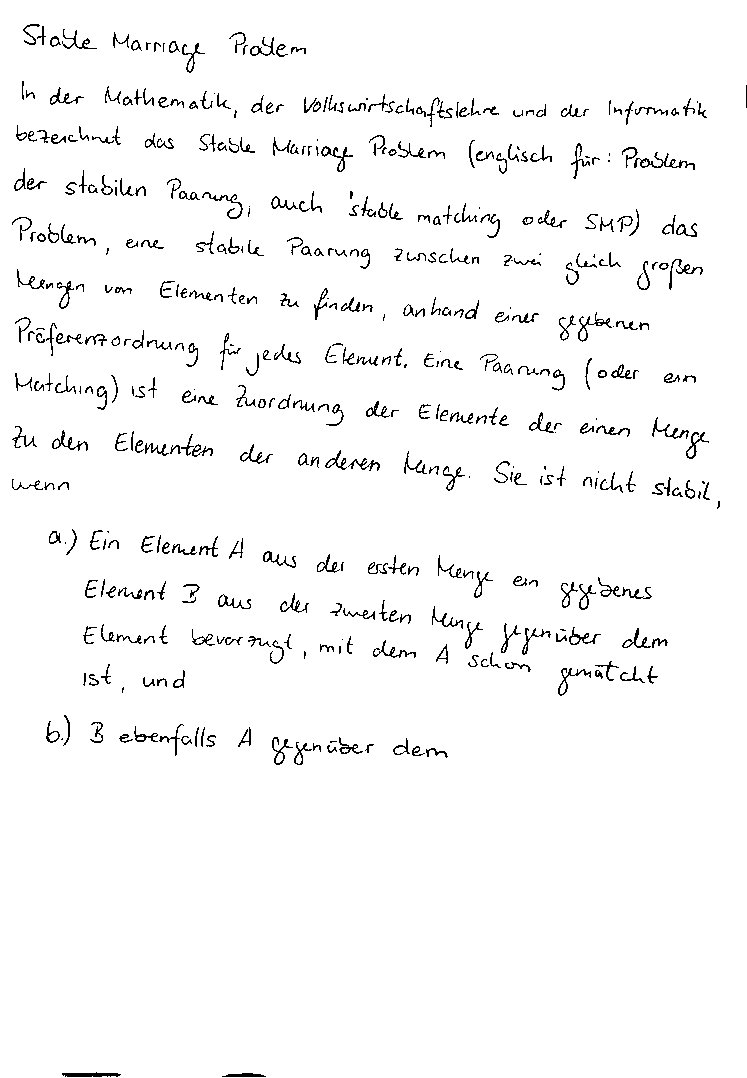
Stable Marriage Problem
In der Mathematik, der Volkswirtschaftslehre und der Informatik
bezeichnet das Stable Marriage Problem (englisch für: Problem
der stabilen Paarung, auch "stable matching oder SMP) das
Problem, eine stabile Paarung zwischen zwei gleich großen
Mengen von Elementen zu finden, anhand einer gegebenen
Präferenzordnung für jedes Element. Eine Paarung (oder ein
Matching) ist eine Zuordnung der Elemente der einen Menge
zu den Elementen der anderen Menge. Sie ist nicht stabil, wenn
a.) Ein Element A aus der ersten Menge ein gegebenes
Element B aus der zweiten Menge gegenüber dem
Element bevorzugt, mit dem A schon gematcht ist, und
b.) B ebenfalls A gegenüber dem
